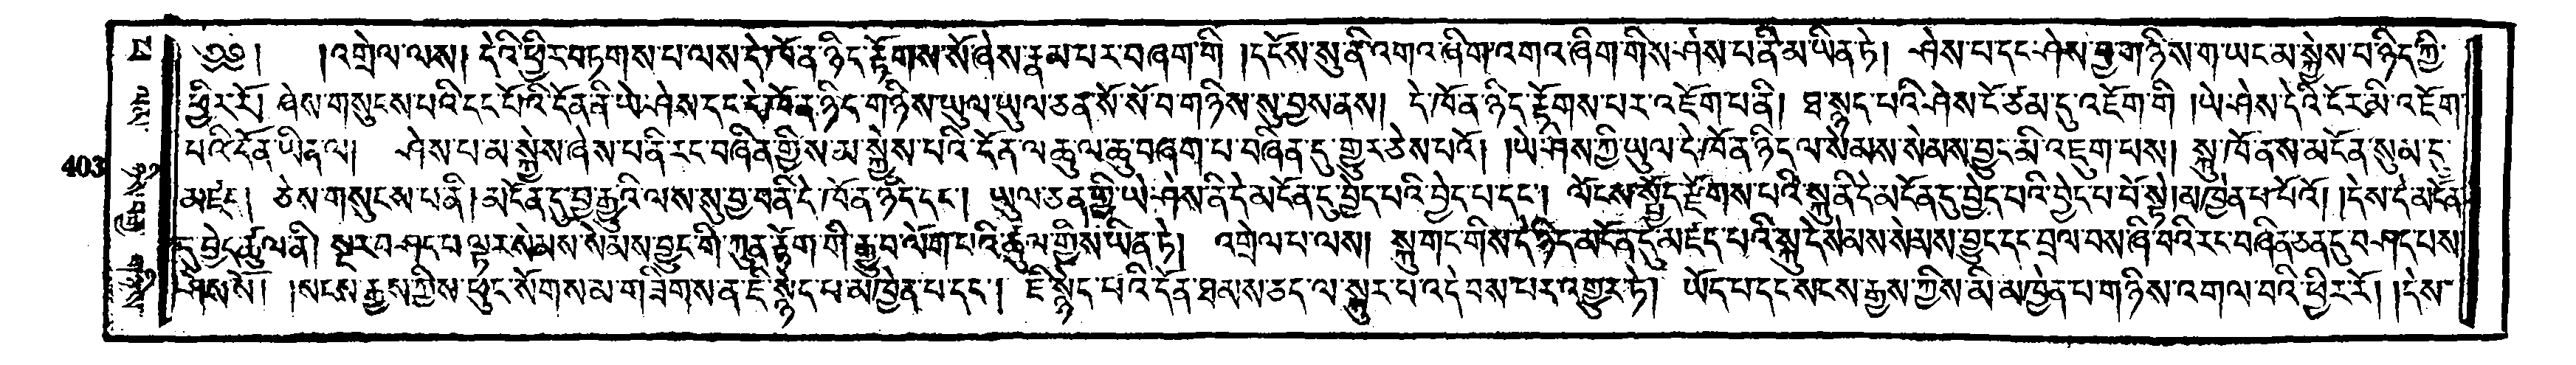༄༅། །འགྲེལ་ལས། དེའི་ཕྱིར་བཏགས་པ་ལས་དེ་ཁོ་ན་ཉིད་རྟོགས་སོ་ཞེས་རྣམ་པར་བཞག་གི །དངོས་སུ་ནི་འགའ་ཞིག་གིས་ཤེས་པ་ནི་མ་ཡིན་ཏེ། ཤེས་པ་དང་ཤེས་བྱ་གཉིས་ག་ཡང་མ་སྐྱེས་པ་ཉིད་ཀྱི་
ཕྱིར་རོ། ཞེས་གསུངས་པའི་དང་པོའི་དོན་ནི་ཡེ་ཤེས་དང་དེ་ཁོ་ན་ཉིད་གཉིས་ཡུལ་ཡུལ་ཅན་སོ་སོ་བ་གཉིས་སུ་བྱས་ནས། དེ་ཁོ་ན་ཉིད་རྟོགས་པར་འཇོག་པ་ནི། ཐ་སྙམ་པའི་ཤེས་ངོ་ཙམ་དུ་འཇོག་གི། །ཡེ་ཤེས་དེའི་ངོར་མི་འཇོག་
ཕ༹པའི་དོན་ཡིན་ལ། ཤེས་པ་མ་སྐྱེས་ཞེས་པ་ནི་རང་བཞིན་གྱིས་མ་སྐྱེས་པའི་དོན་ལ་ཆུ་ལ་ཆུ་བཞག་པ་བཞིན་དུ་གྱུར་ཅེས་པའོ། །ཡེ་ཤེས་ཀྱི་ཡུལ་དེ་ཁོ་ན་ཉིད་ལ་སེམས་སེམས་བྱུང་མི་འཇུག་པས། སྐུ་ཁོ་ནས་མངོན་སུམ་དུ་
མཛད༑ ཅེས་གསུངས་པ་ནི། མངོན་དུ་བྱ་རྒྱུའི་ལས་སུ་བྱ་བ་ནི་དེ་ཁོ་ན་ཉིད་དང་། ཡུལ་ཅན་གྱི་ཡེ་ཤེས་ནི་དེ་མངོན་དུ་བྱེད་པའི་བྱེད་པ་དང་། ལོངས་སྤྱོད་རྫོགས་པའི་སྐུ་ནི་དེ་མངོན་དུ་བྱེད་པའི་བྱེད་པ་པོ་སྟེ། མཁྱེན་པ་པོའོ། །དེས་དེ་མངོན་
དུ་བྱེད་ཚུལ་ནི། སྔར་བཤད་པ་ལྟར་སེམས་སེམས་བྱུང་གི་ཀུན་རྟོག་གི་རྒྱུ་བ་ལོག་པའི་ཚུལ་གྱིས་ཡིན་ཏེ། འགྲེལ་པ་ལས། སྐུ་གང་གིས་དེ་ཉིད་མངོན་དུ་མཛད་པའི་སྐུ་དེ་སེམས་སེམས་བྱུང་དང་བྲལ་བས་ཞི་བའི་རང་བཞིན་ཅན་དུ་བཤད་པས་
ཤེས་སོ། །སངས་རྒྱས་ཀྱིས་ཕུང་སོགས་མ་གཟིགས་ན་ཇི་སྙེད་པ་མཁྱེན་པ་དང་། ཇི་སྙེད་པའི་དོན་ཐམས་ཅད་ལ་སྐུར་པ་འདེབས་པར་འགྱུར་ཏེ། ཡོད་པ་དང་སངས་རྒྱས་ཀྱིས་མི་མཁྱེན་པ་གཉིས་འགལ་བའི་ཕྱིར་རོ། །དེས་